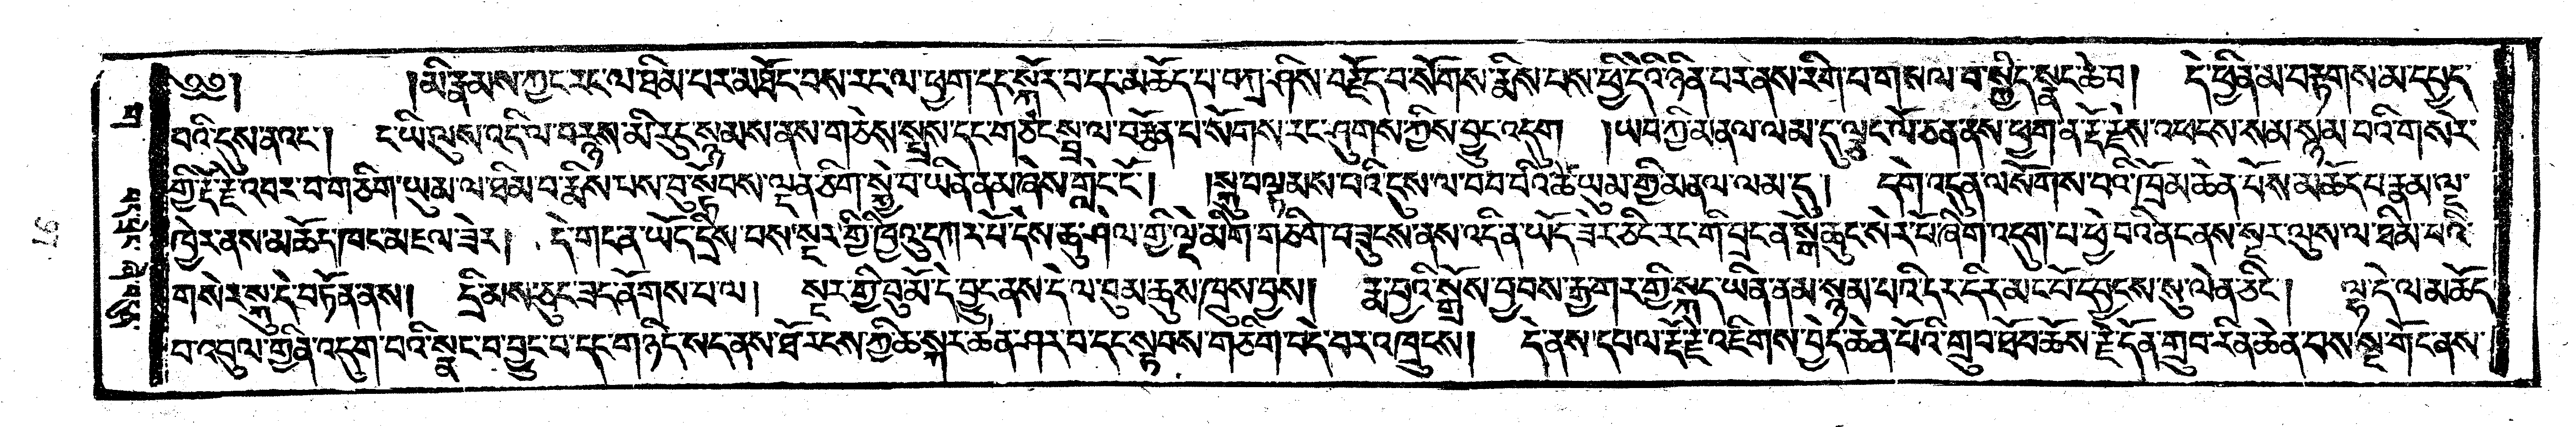༄༅། །མི་རྣམས་ཀྱང་རང་ལ་ཐིམ་པར་མཐོང་བས་རང་ལ་ཕྱག་དང་སྐོར་བ་དང་མཆོད་པ་བཀྲ་ཤིས་བརྗོད་བ་སོགས་རྨིས་པས་ཕྱི་དེའི་ཉིན་བར་ནས་རིག་པ་གསལ་བ་སྐྱེད་སྣང་ཆེ་བ། དེ་ཕྱིན་མ་བརྟགས་མ་དཔྱད་
བའི་དུས་ནའང་། ང་ཡི་ལུས་འདི་ལ་བརྙས་མི་རུང་སྙམས་ནས་གཅེས་སྤྲས་དང་གཙང་སྦྲ་ལ་བརྩོན་པ་སོགས་རང་ཤུགས་ཀྱིས་བྱུང་འདུག །ཡབ་ཀྱི་མནལ་ལམ་དུ་ལྕང་ལོ་ཅན་ནས་ཕྱག་ན་རྡོ་རྗེས་འཕངས་སམ་སྙམ་པའི་གསེར་
གྱི་རྡོ་རྗེ་འབར་བ་གཅིག་ཡུམ་ལ་ཐིམ་བ་རྨིས་པས་བུ་སྟོབས་ལྡན་ཅིག་སྐྱེ་བ་ཡིན་ནམ་ཞེས་གླེང་ངོ། །སྐུ་བལྟམས་པའི་དུས་ལ་བབ་པའི་ཚེ་ཡུམ་གྱི་མནལ་ལམ་དུ། དགེ་འདུན་ལ་སོགས་པའི་ཁྲོམ་ཆེན་པོས་མཆོད་པ་རྣམ་ལྔ་
ཁྱེར་ནས་མཆོད་ཁང་མཇལ་ཟེར། དེ་གང་ན་ཡོད་དྲིས་བས་སྔར་གྱི་ཁྱིའུ་དཀར་པོ་དེས་ཆུ་ཤེལ་གྱི་ལྡེ་མིག་གཅིག་བཟུངས་ནས་འདི་ན་ཡོད་ཟེར་ཅིང་རང་གི་བྲང་ན་སྒོ་ཆུང་སེར་པོ་ཞིག་འདུག་པ་ཕྱེ་བའི་ནང་ནས་སྔར་ལུས་ལ་ཐིམ་པའི་
གསེར་སྐུ་དེ་བཏོན་ནས། དྲི་མས་ཅུང་ཟད་ནོགས་པ་ལ། སྔར་གྱི་བུ་མོ་དེ་བྱུང་ནས་དེ་ལ་བུམ་ཆུས་ཁྲུས་བྱས། རྨ་བྱའི་སྒྲོས་བྱ་བས་རྒྱ་གར་གྱི་སྐད་ཡིན་ནམ་སྙམ་པའི་དར་དིར་མང་པོ་དབྱངས་སུ་ལེན་ཅིང་། ལྷ་དེ་ལ་མཆོད་
བ་འབུལ་གྱིན་འདུག་བའི་སྣང་བ་བྱུང་བ་དང་གཉིད་སད་ནས་ཐོ་རངས་ཀྱི་ཆ་སྐར་ཆེན་ཤར་བ་དང་སྟབས་གཅིག་བདེ་བར་འཁྲུངས། དེ་ནས་དཔལ་རྡོ་རྗེ་འཇིགས་བྱེད་ཆེན་པོའི་གྲུབ་ཐོབ་ཆོས་རྗེ་དོན་གྲུབ་རིན་ཆེན་བས་སྔ་གོང་ནས་